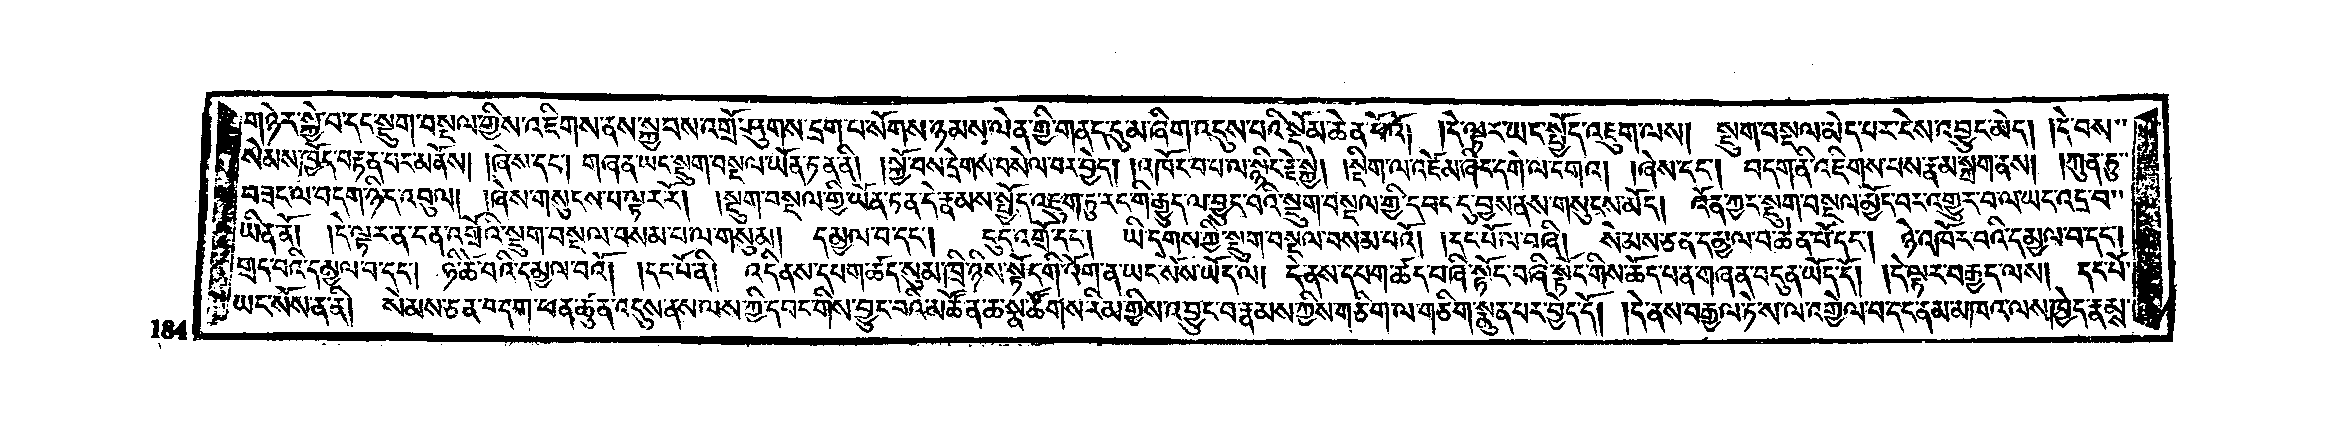གཉེར་སྐྱེ་བ་དང་སྡུག་བསྔལ་གྱིས་འཇིགས་ནས་སྐྱབས་འགྲོ་ཤུགས་དྲག་པ་སོགས་ཉམས་ལེན་གྱི་གནད་དུ་མ་ཞིག་འདུས་པའི་སྡོམ་ཆེན་པོའི། །དེ་ལྟར་ཡང་སྤྱོད་འཇུག་ལས། སྡུག་བསྔལ་མེད་པར་ངེས་འབྱུང་མེད། །དེ་བས་
སེམས་ཁྱོད་བརྟན་པར་མནོས། །ཞེས་དང་། གཞན་ཡང་སྡུག་བསྔལ་ཡོན་ཏན་ནི། །སྐྱོ་བས་དྲེགས་པ་སེལ་བར་བྱེད། །འཁོར་བ་པ་ལ་སྙིང་རྗེ་སྐྱེ། །སྡིག་ལ་འཛེམ་ཞིང་དགེ་ལ་དགའ། །ཞེས་དང་། བདག་ནི་འཇིགས་པས་རྣམ་སྐྲག་ནས། །ཀུན་ཏུ་
བཟང་ལ་བདག་ཉིད་འབུལ། །ཞེས་གསུངས་པ་ལྟར་རོ། །སྡུག་བསྔལ་གྱི་ཡོན་ཏན་དེ་རྣམས་སྤྱོད་འཇུག་ཏུ་རང་གི་རྒྱུད་ལ་བྱུང་བའི་སྡུག་བསྔལ་གྱི་དབང་དུ་བྱས་ནས་གསུངས་མོད། འོན་ཀྱང་སྡུག་བསྔལ་མྱོང་བར་འགྱུར་བ་ལ་ཡང་འདྲ་བ་
ཡིན་ནོ། །དེ་ལྟར་ན་ངན་འགྲོའི་སྡུག་བསྔལ་བསམ་པ་ལ་གསུམ། དམྱལ་བ་དང་། དུད་འགྲོ་དང་། ཡི་དྭགས་ཀྱི་སྡུག་བསྔལ་བསམ་པའོ། །དང་པོ་ལ་བཞི། སེམས་ཅན་དམྱལ་བ་ཆེན་པོ་དང་། ཉེ་འཁོར་བའི་དམྱལ་བ་དང་།
གྲང་བའི་དམྱལ་བ་དང་། ཉི་ཚེ་བའི་དམྱལ་བའོ། །དང་པོ་ནི། འདི་ནས་དཔག་ཚད་སུམ་ཁྲི་ཉིས་སྟོང་གི་འོག་ན་ཡང་སོས་ཡོད་ལ། དེ་ནས་དཔག་ཚད་བཞི་སྟོང་བཞི་སྟོང་གིས་ཆོད་པ་ན་གཞན་བདུན་ཡོད་དོ། །དེ་ལྟར་བརྒྱད་ལས། དང་པོ་
ཡང་སོས་ན་ནི། སེམས་ཅན་དེ་དག་ཕན་ཚུན་འདུས་ནས་ལས་ཀྱི་དབང་གིས་བྱུང་བའི་མཚོན་ཆ་སྣ་ཚོགས་རིམ་གྱིས་འབྱུང་བ་རྣམས་ཀྱིས་གཅིག་ལ་གཅིག་སྣུན་པར་བྱེད་དོ། །དེ་ནས་བརྒྱལ་ཏེ་ས་ལ་འགྱེལ་བ་དང་ནམ་མཁའ་ལས་ཁྱེད་རྣམས་